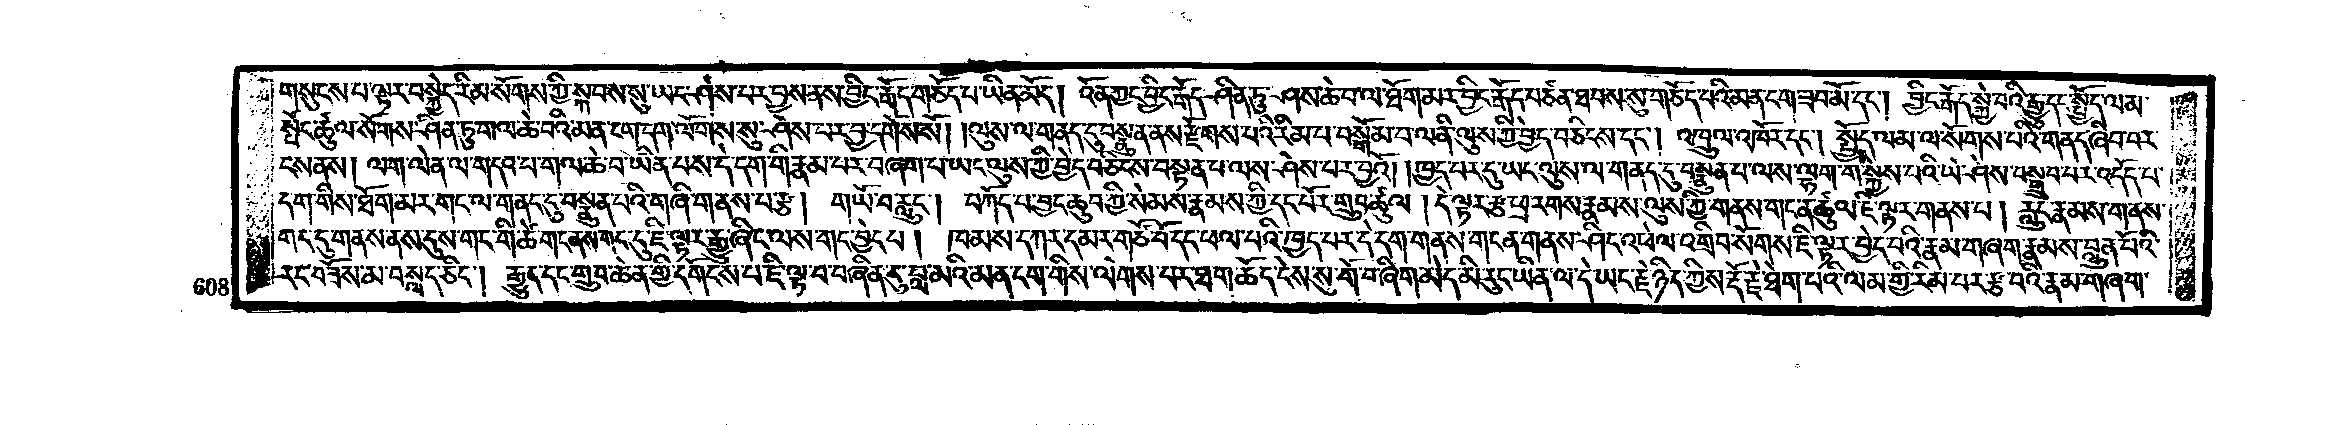གསུངས་པ་ལྟར་བསྐྱེད་རིམ་སོགས་ཀྱི་སྐབས་སུ་ཡང་ཤེས་པར་བྱས་ནས་བྱིང་རྒོད་གཙད་པ་ཡིན་མོད། འོན་ཀྱང་བྱིང་རྒོད་ཤིན་ཏུ་ཤས་ཆེ་བ་ལ་ཐོག་མར་བྱིང་རྒོད་བཙན་ཐབས་སུ་གཅོད་པའི་མན་ངག་ཟབ་མོ་དང་། བྱིང་རྒོད་སྐྱེ་བའི་རྒྱུ་དང་སྤྱོད་ལམ་
སྤོང་ཚུལ་སོགས་ཤིན་ཏུ་གལ་ཆེ་བའི་མན་ངག་དག་ལོགས་སུ་ཤེས་པར་བྱ་དགོས་སོ། །ལུས་ལ་གནད་དུ་བསྣུན་ནས་རྫོགས་པའི་རིམ་པ་བསྒོམ་པ་ལ་ནི་ལུས་ཀྱི་བྱེད་བཅིངས་དང་། འཁྲུལ་འཁོར་དང་། སྤྱོད་ལམ་ལ་སོགས་པའི་གནད་ཞིབ་བར་
ངས་ནས། ལག་ལེན་ལ་གདབ་པ་གལ་ཆེ་བ་ཡིན་པས་དེ་དག་གི་རྣམ་པར་བཞག་པ་ཡང་ལུས་ཀྱི་བྱེད་བཅིངས་བསྟན་པ་ལས་ཤེས་པར་བྱའོ། །ཁྱད་པར་དུ་ཡང་ལུས་ལ་གནད་དུ་བསྣུན་པ་ལས་ལྷག་གི་སྐྱེས་པའི་ཡེ་ཤེས་བསྒྲུབ་པར་འདོད་པ་
དག་གིས་ཐོག་མར་གང་ལ་གནང་དུ་བསྣུན་པའི་གཞི་གནས་པ་རྩ། གཡོ་བ་རླུང་། བཀོད་པ་བྱང་ཆུབ་ཀྱི་སེམས་རྣམས་ཀྱི་དང་པོར་གྲུབ་ཚུལ། དེ་ལྟར་རྩ་ཕྲ་རགས་རྣམས་ལུས་ཀྱི་གནས་གང་ན་ཚུལ་ཇི་ལྟར་གནས་པ། རླུང་རྣམས་གནས་
གང་དུ་གནས་ནས་དུས་གང་གི་ཚེ་གང་ནས་གང་དུ་ཇི་ལྟར་རྒྱུ་ཞིང་ལས་གང་བྱེད་པ། ཁམས་དཀར་དམར་གཙོ་བོ་དང་ཕལ་པའི་ཁྱད་པར་དེ་དག་གནས་གང་ན་གནས་ཤིང་འཕེལ་འགྲིབ་སོགས་ཇི་ལྟར་བྱེད་པའི་རྣམ་གཞག་རྣམས་བླུན་པོའི་
རང་བཟོས་མ་བསླད་ཅིང་། རྒྱུད་དང་གྲུབ་ཆེན་གྱི་དགོངས་པ་ཇི་ལྟ་བ་བཞིན་དུ་བླ་མའི་མན་ངག་གིས་ལེགས་པར་ཐག་ཆོད་ངེས་སུ་གོ་བ་ཞིག་མེད་མི་རུང་ཡིན་ལ་དེ་ཡང་རྗེ་ཉིད་ཀྱིས་རྡོ་རྗེ་ཐེག་པའི་ལམ་གྱི་རིམ་པར་རྩ་བའི་རྣམ་གཞག་